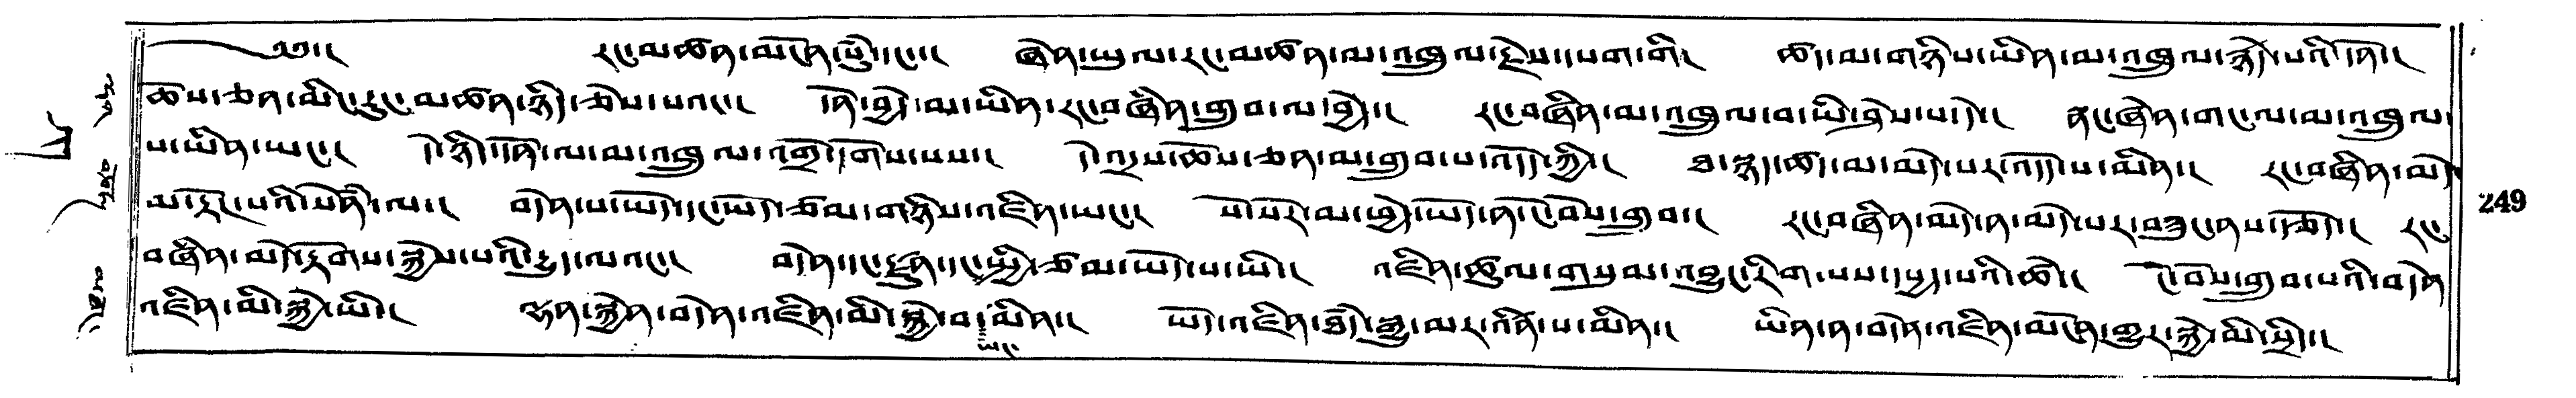རང་མཚན་མངོན་སུམ་དང་། །ཞེན་ཡུལ་རང་མཚན་མ་འཁྲུལ་རྗེས་དཔག་གི། ཚད་མ་གཉིས་ཡིན་མ་འཁྲུལ་རྙེད་པའི་དོན། །
ཆོས་ཅན་མི་རུང་མཚན་ཉིད་ཅེས་པའང་། །དོན་བྱེད་མ་ཡིན་རང་བཞིན་གྲུབ་ལ་བྱེད། །རང་བཞིན་མ་འཁྲུལ་བ་ཡི་ཤེས་པ་དེ། །སྣང་ཞེན་གང་ལ་མ་འཁྲུལ་
པ་ཡིན་ཡང་། །དེ་ཉིད་དོན་ལ་མ་འཁྲུལ་འགྲོ་དགོས་པས། །དེ་འདྲས་ཆོས་ཅན་མ་གྲུབ་པ་འདོད་ཀྱི། །ཐ་སྙད་ཚད་མ་མེད་པར་འདོད་པ་མིན། །རང་བཞིན་མེད་
མ་རྟོགས་པའི་སེམས་ཅན་ལ། །བདེན་པ་ཡོད་དང་ཡོད་ཙམ་གཉིས་འཛིན་ཡང་། །སོ་སོར་མ་ཕྱེད་ཡོད་ན་ངོ་བོས་གྲུབ། །རང་བཞིན་མེད་ན་མེད་པར་བཟུང་ནས་རྩོད། །རང་
བཞིན་མེད་རྟོགས་སྐྱེས་པའི་རྒྱུད་ལའང་། །བདེན་དང་རྫུན་དང་སྤྱི་ཙམ་ཡོད་པ་ཡི། །འཛིན་ཚུལ་གསུམ་འབྱུང་རིགས་པས་དཔྱད་པའི་ཚེ། །ངོ་བོས་གྲུབ་པའི་བདེན་
འཛིན་མི་སྐྱེ་ཡི། །ལྷན་སྐྱེས་བདེན་འཛིན་མི་སྐྱེ་བ་ཡང་མིན། །ཡོད་འཛིན་ཐམས་ཅད་སྒྱུ་མར་འཛིན་པ་མིན། །ཡིན་ན་བདེན་འཛིན་མངོན་གྱུར་སྐྱེ་མི་སྲིད། །